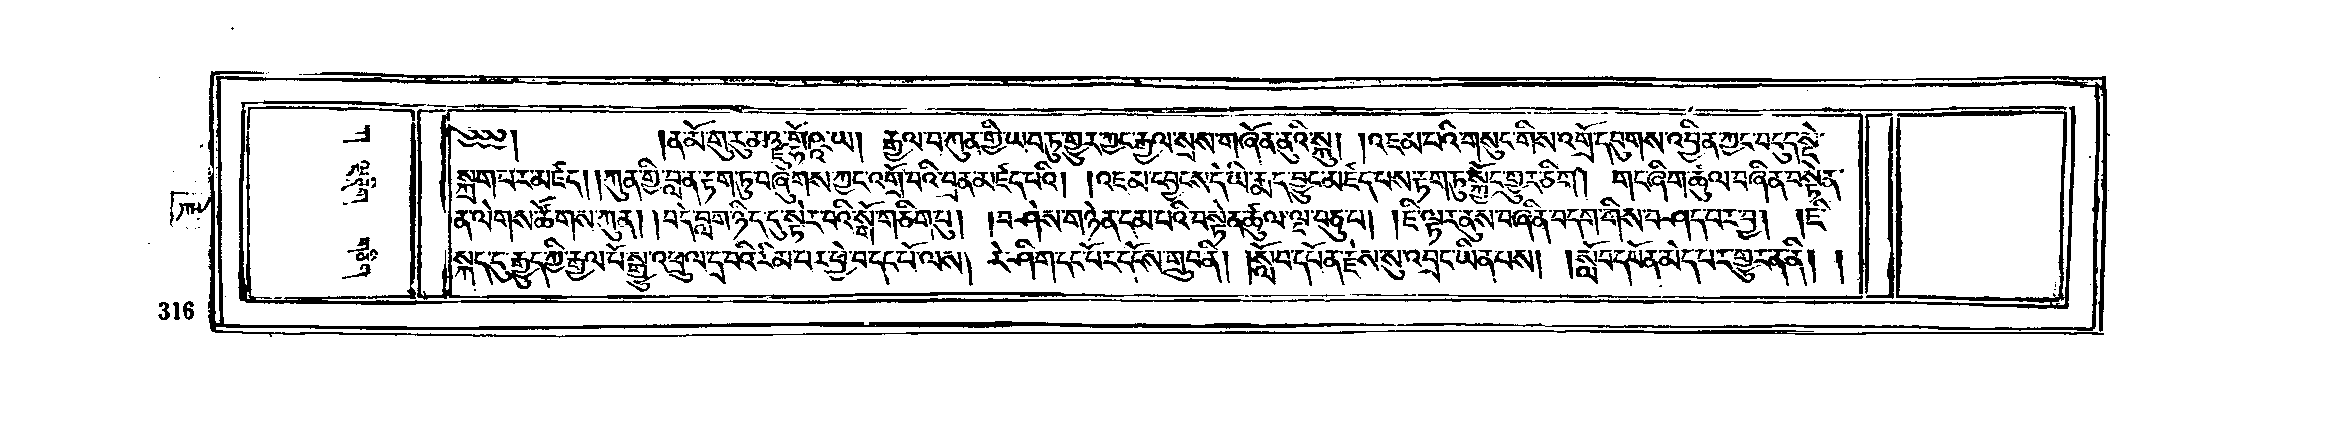༄༅༅། །ན་མོ་གུ་རུ་མཉྫུ་གྷོ་ཥཱ་ཡ། རྒྱལ་བ་ཀུན་གྱི་ཡབ་ཏུ་གྱུར་ཀྱང་རྒྱལ་སྲས་གཞོན་ནུའི་སྐུ། །འཇམ་པའི་གསུང་གིས་འགྲོ་དབུགས་འབྱིན་ཀྱང་བདུད་སྡེ་
སྐྲག་པར་མཛད། །ཀུན་གྱི་བླ་ན་རྟག་ཏུ་བཞུགས་ཀྱང་འགྲོ་བའི་བྲན་མཛད་པའི། །འཇམ་དབྱངས་དེ་ཡི་རྨད་བྱུང་མཛད་པས་རྟག་ཏུ་སྐྱོང་གྱུར་ཅིག། གང་ཞིག་ཚུལ་བཞིན་བསྟེན་
ན་ལེགས་ཚོགས་ཀུན། །བདེ་བླག་ཉིད་དུ་སྟེར་བའི་སྒོ་གཅིག་པུ། །བཤེས་གཉེན་དམ་པའི་བསྟེན་ཚུལ་ལྔ་བཅུ་པ། །ཇི་ལྟར་ནུས་བཞིན་བདག་གིས་བཤད་པར་བྱ། །ཇི་
སྐད་དུ་རྒྱུད་ཀྱི་རྒྱལ་པོ་སྒྱུ་འཕྲུལ་དྲ་བའི་རིམ་པར་ཕྱེ་བ་དང་པོ་ལས། རེ་ཤིག་དང་པོར་དངོས་གྲུབ་ནི། །སློབ་དཔོན་རྗེས་སུ་འབྲང་ཡིན་པས། །སློབ་དཔོན་མེད་པར་གྱུར་ན་ནི། །